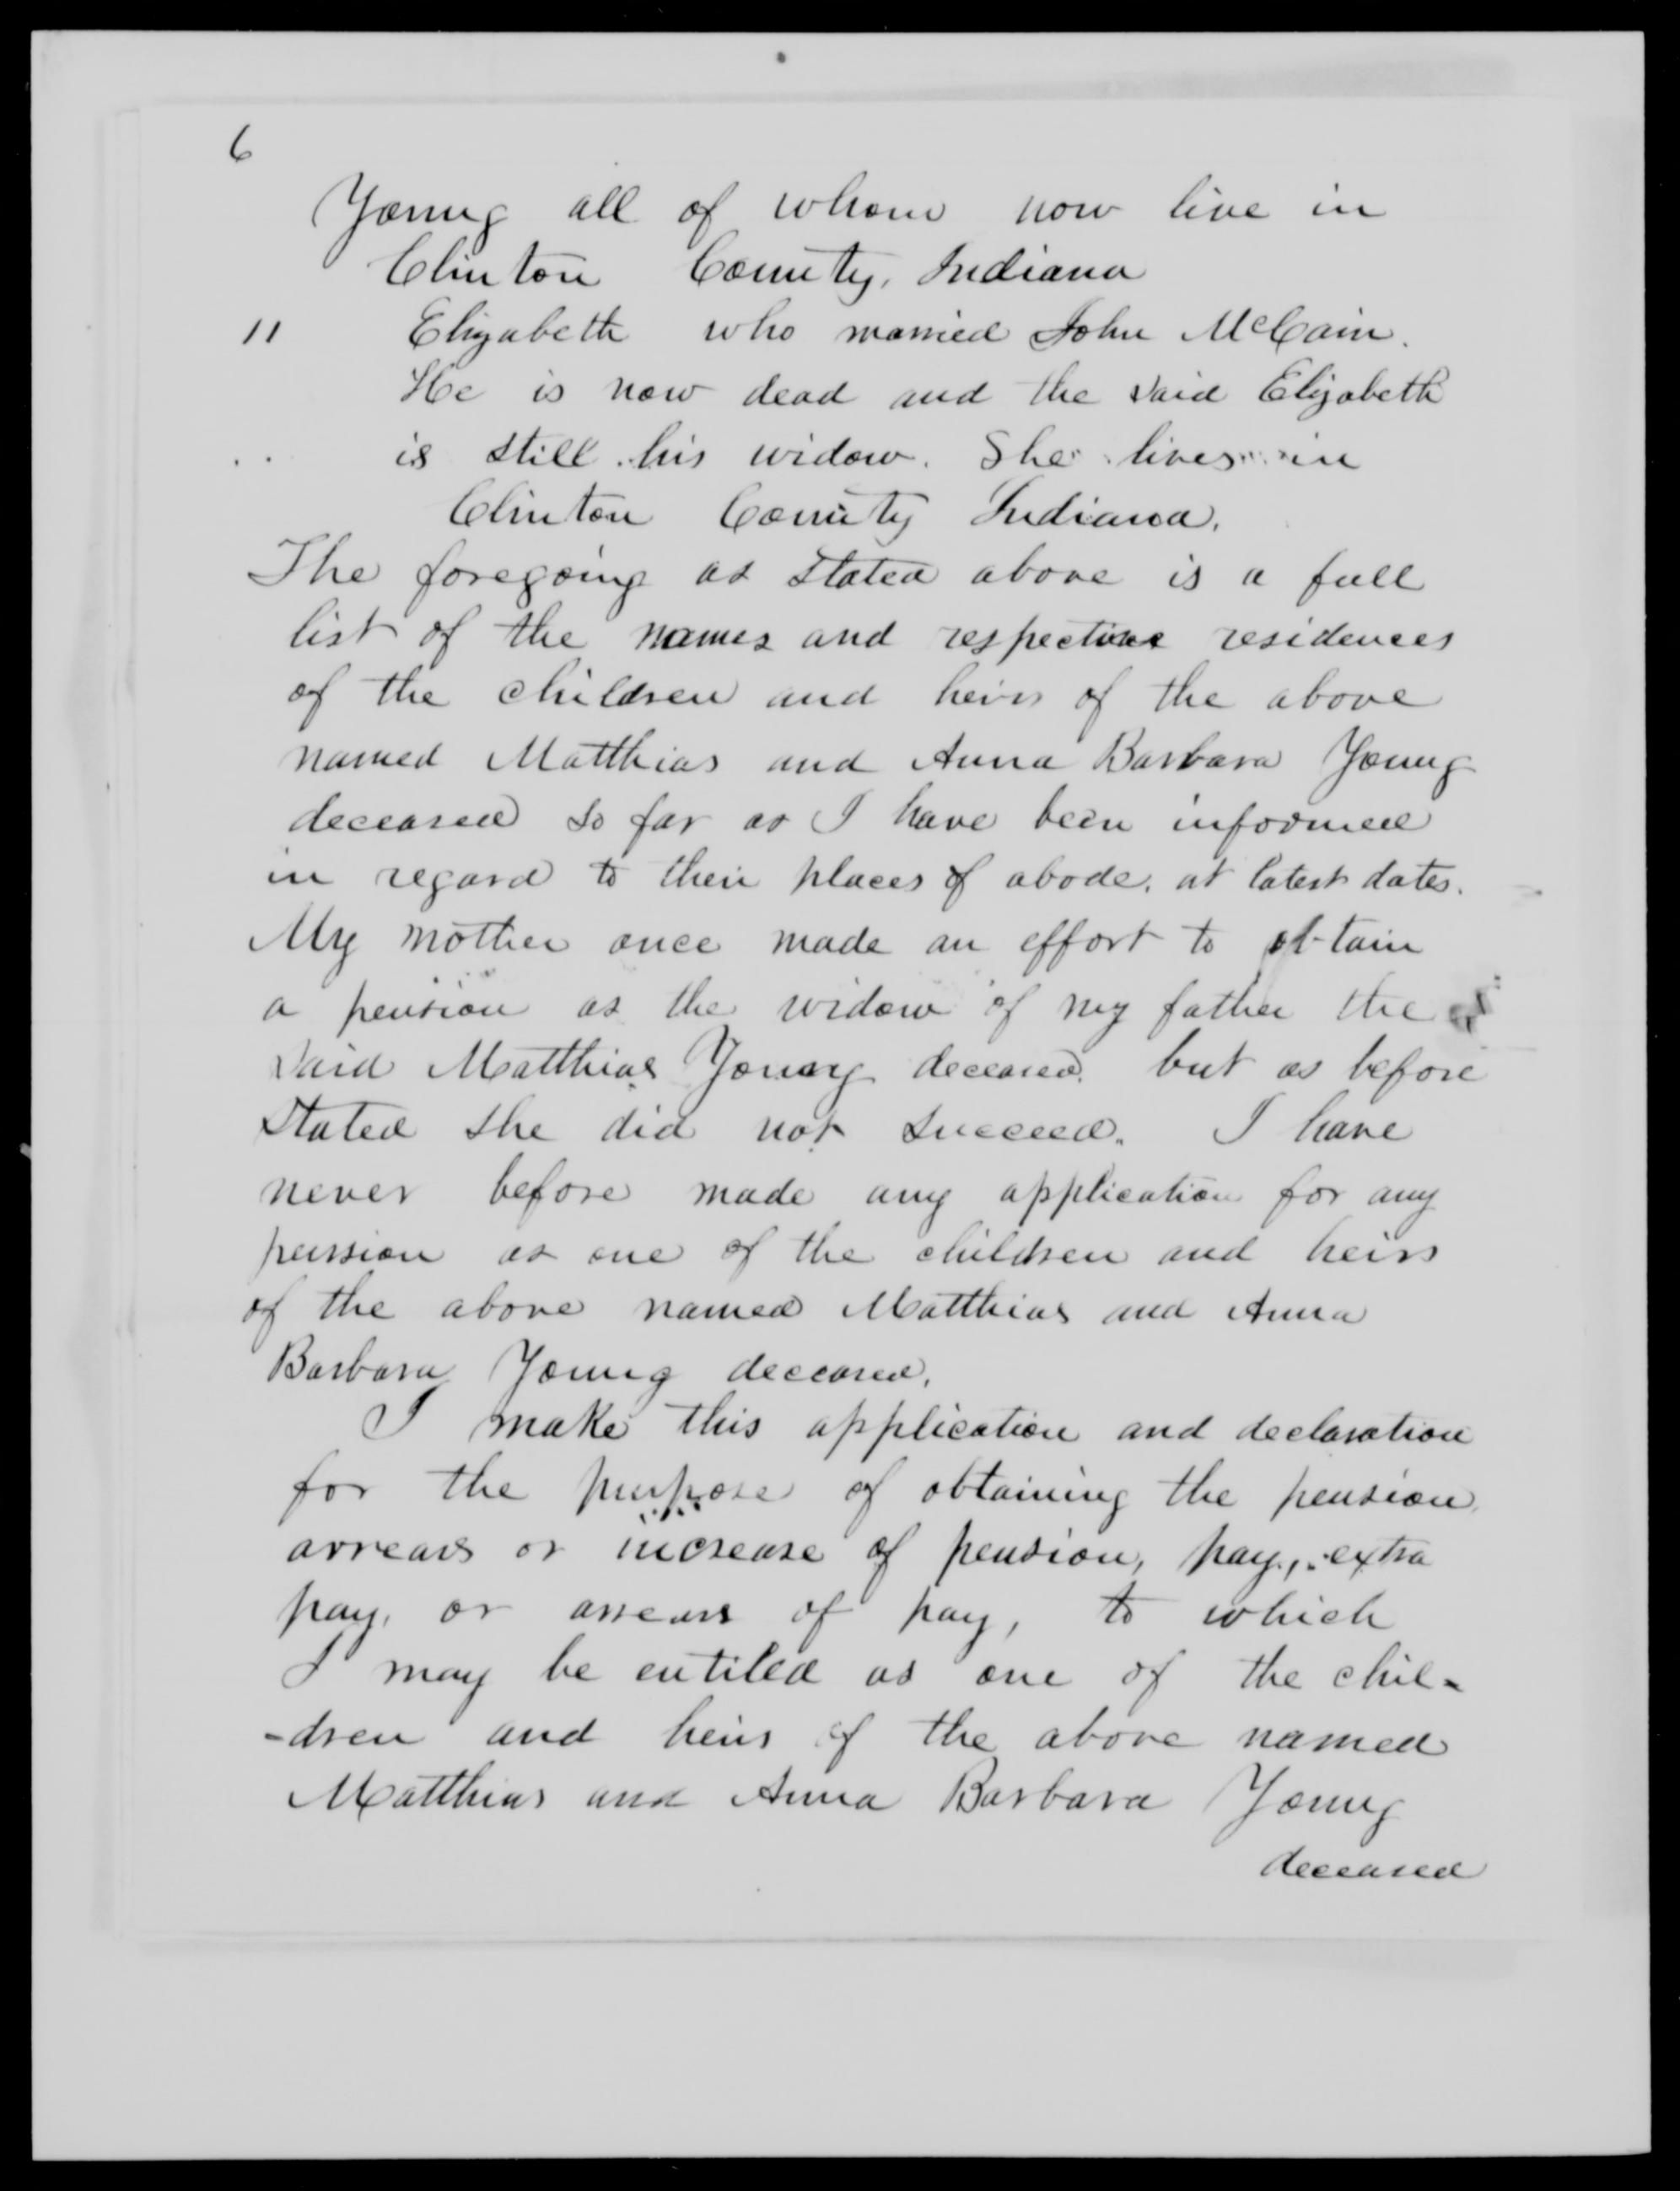6
Young all of whom now live in Clinton
County, Indiana
11 Elizabeth who married John McCain.
He is now dead and the said Elizabeth
is still his widow. She lives in
Clinton County Indiana.

The foregoing as stated above is a full
list of the names and respective residences
of the children and heirs of the above
named Matthias and Anna Barbara Young
deceased so far as I have been informed
in regard to their places of abode, at latest dates.
My mother once made an effort to obtain
a pension as the widow of my father the
said Matthias Young deceased but as before
stated she did not succeed. I have
never before made any application for any
pension as one of the children and heirs
of the above named Matthias and Anna
Barbara Young deceased. I 
make this application and declaration
for the purpose of obtaining the pension
arrears or increase of pension, pay, extra
pay, or arrears of pay, to which
I may be entitled as one of the children
and heirs of the above named
Matthias and Anna Barbara Young
deceased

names: John Mc Cain, Matthias, Young, Anna Barbara Young, Elizabeth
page: 25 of 123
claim: rejected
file: R. 11,949, Matthias Young, Md.